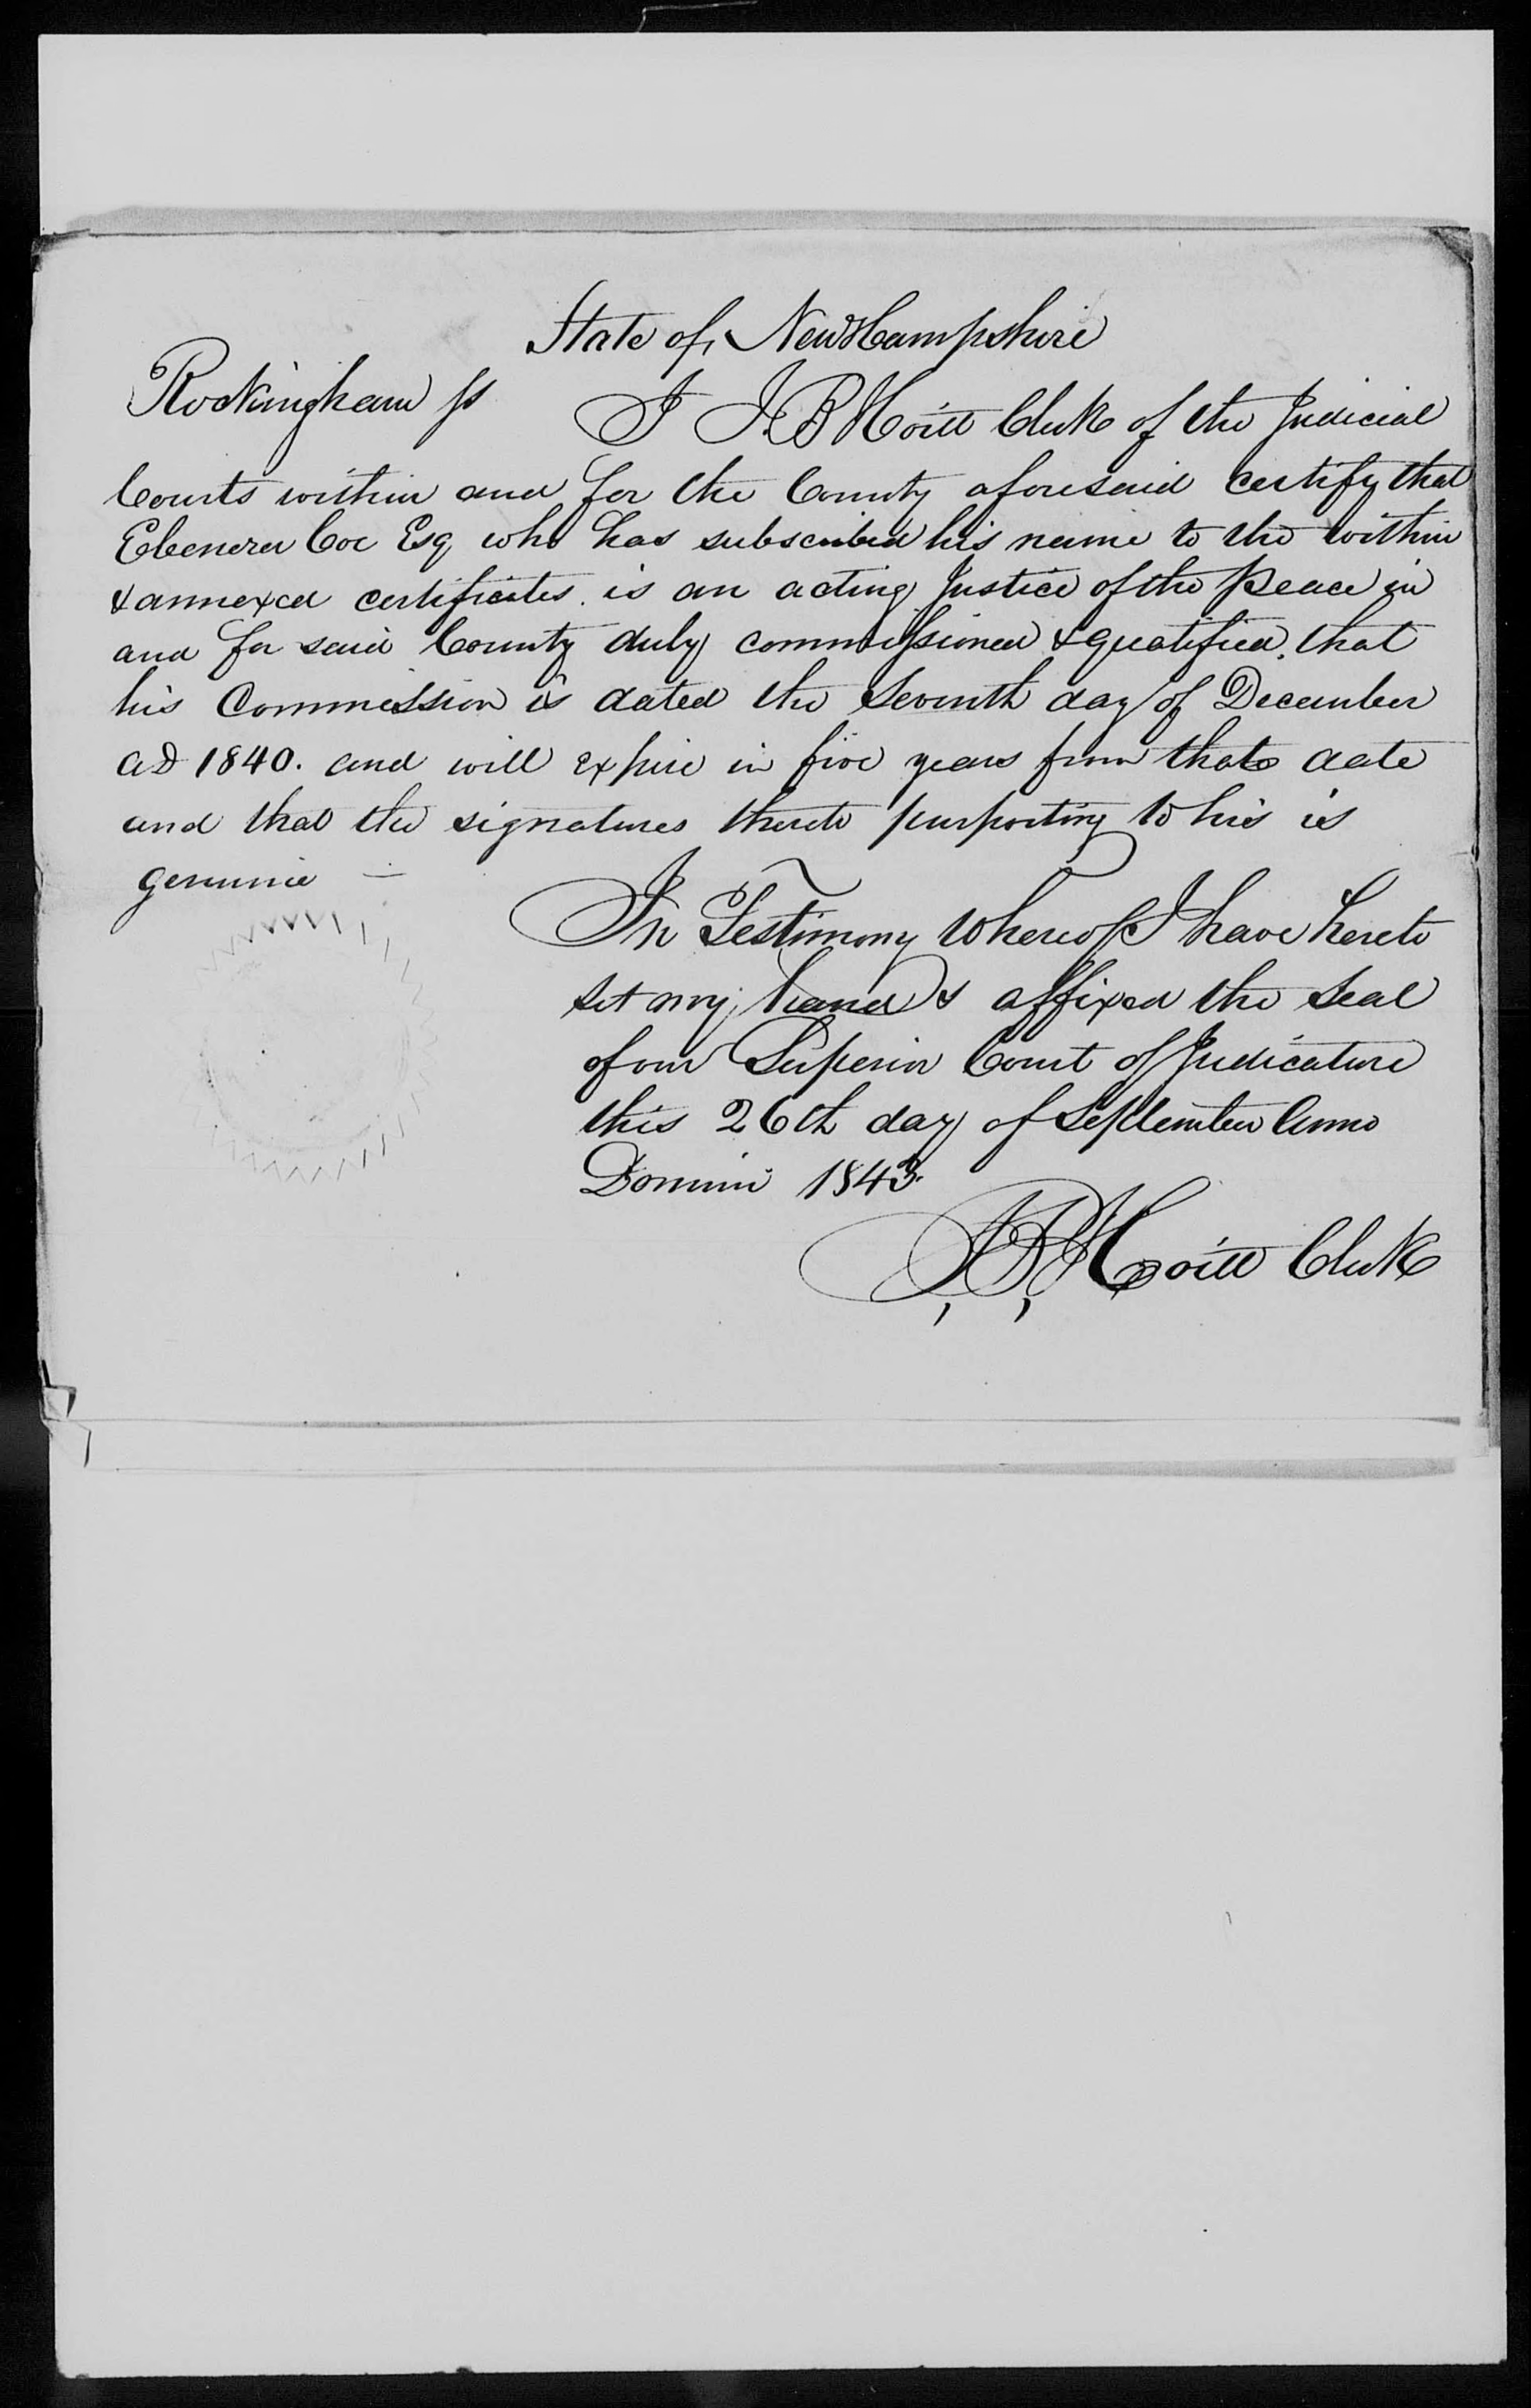State of New Hampshire
Rockingham ss
I I B Hoitt Clerk of the Judicial Courts within and for the County aforesaid certify that Ebenezer Coe Esq who has subscribed his name to the within & annexed certificates is an acting Justice of the peace in and for said County duly commissioned & qualified, that his commission is dated the Seventh day of December AD 1840. and will expire in five years from that date
and that the signatures thereto purporting to his is genuine -
In Testimony whereof I have hereto set my hand & affixed the Seal of our Superior Court of Judicature this 26th day of September Anno
Domini 1843.
I. B. Hoitt Clerk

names: I B Hoitt, Ebenezer Coe, I B Hoitt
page: 32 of 43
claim: widow's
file: W. 21665, Ebenezer Bennett, N. H. Privateer.